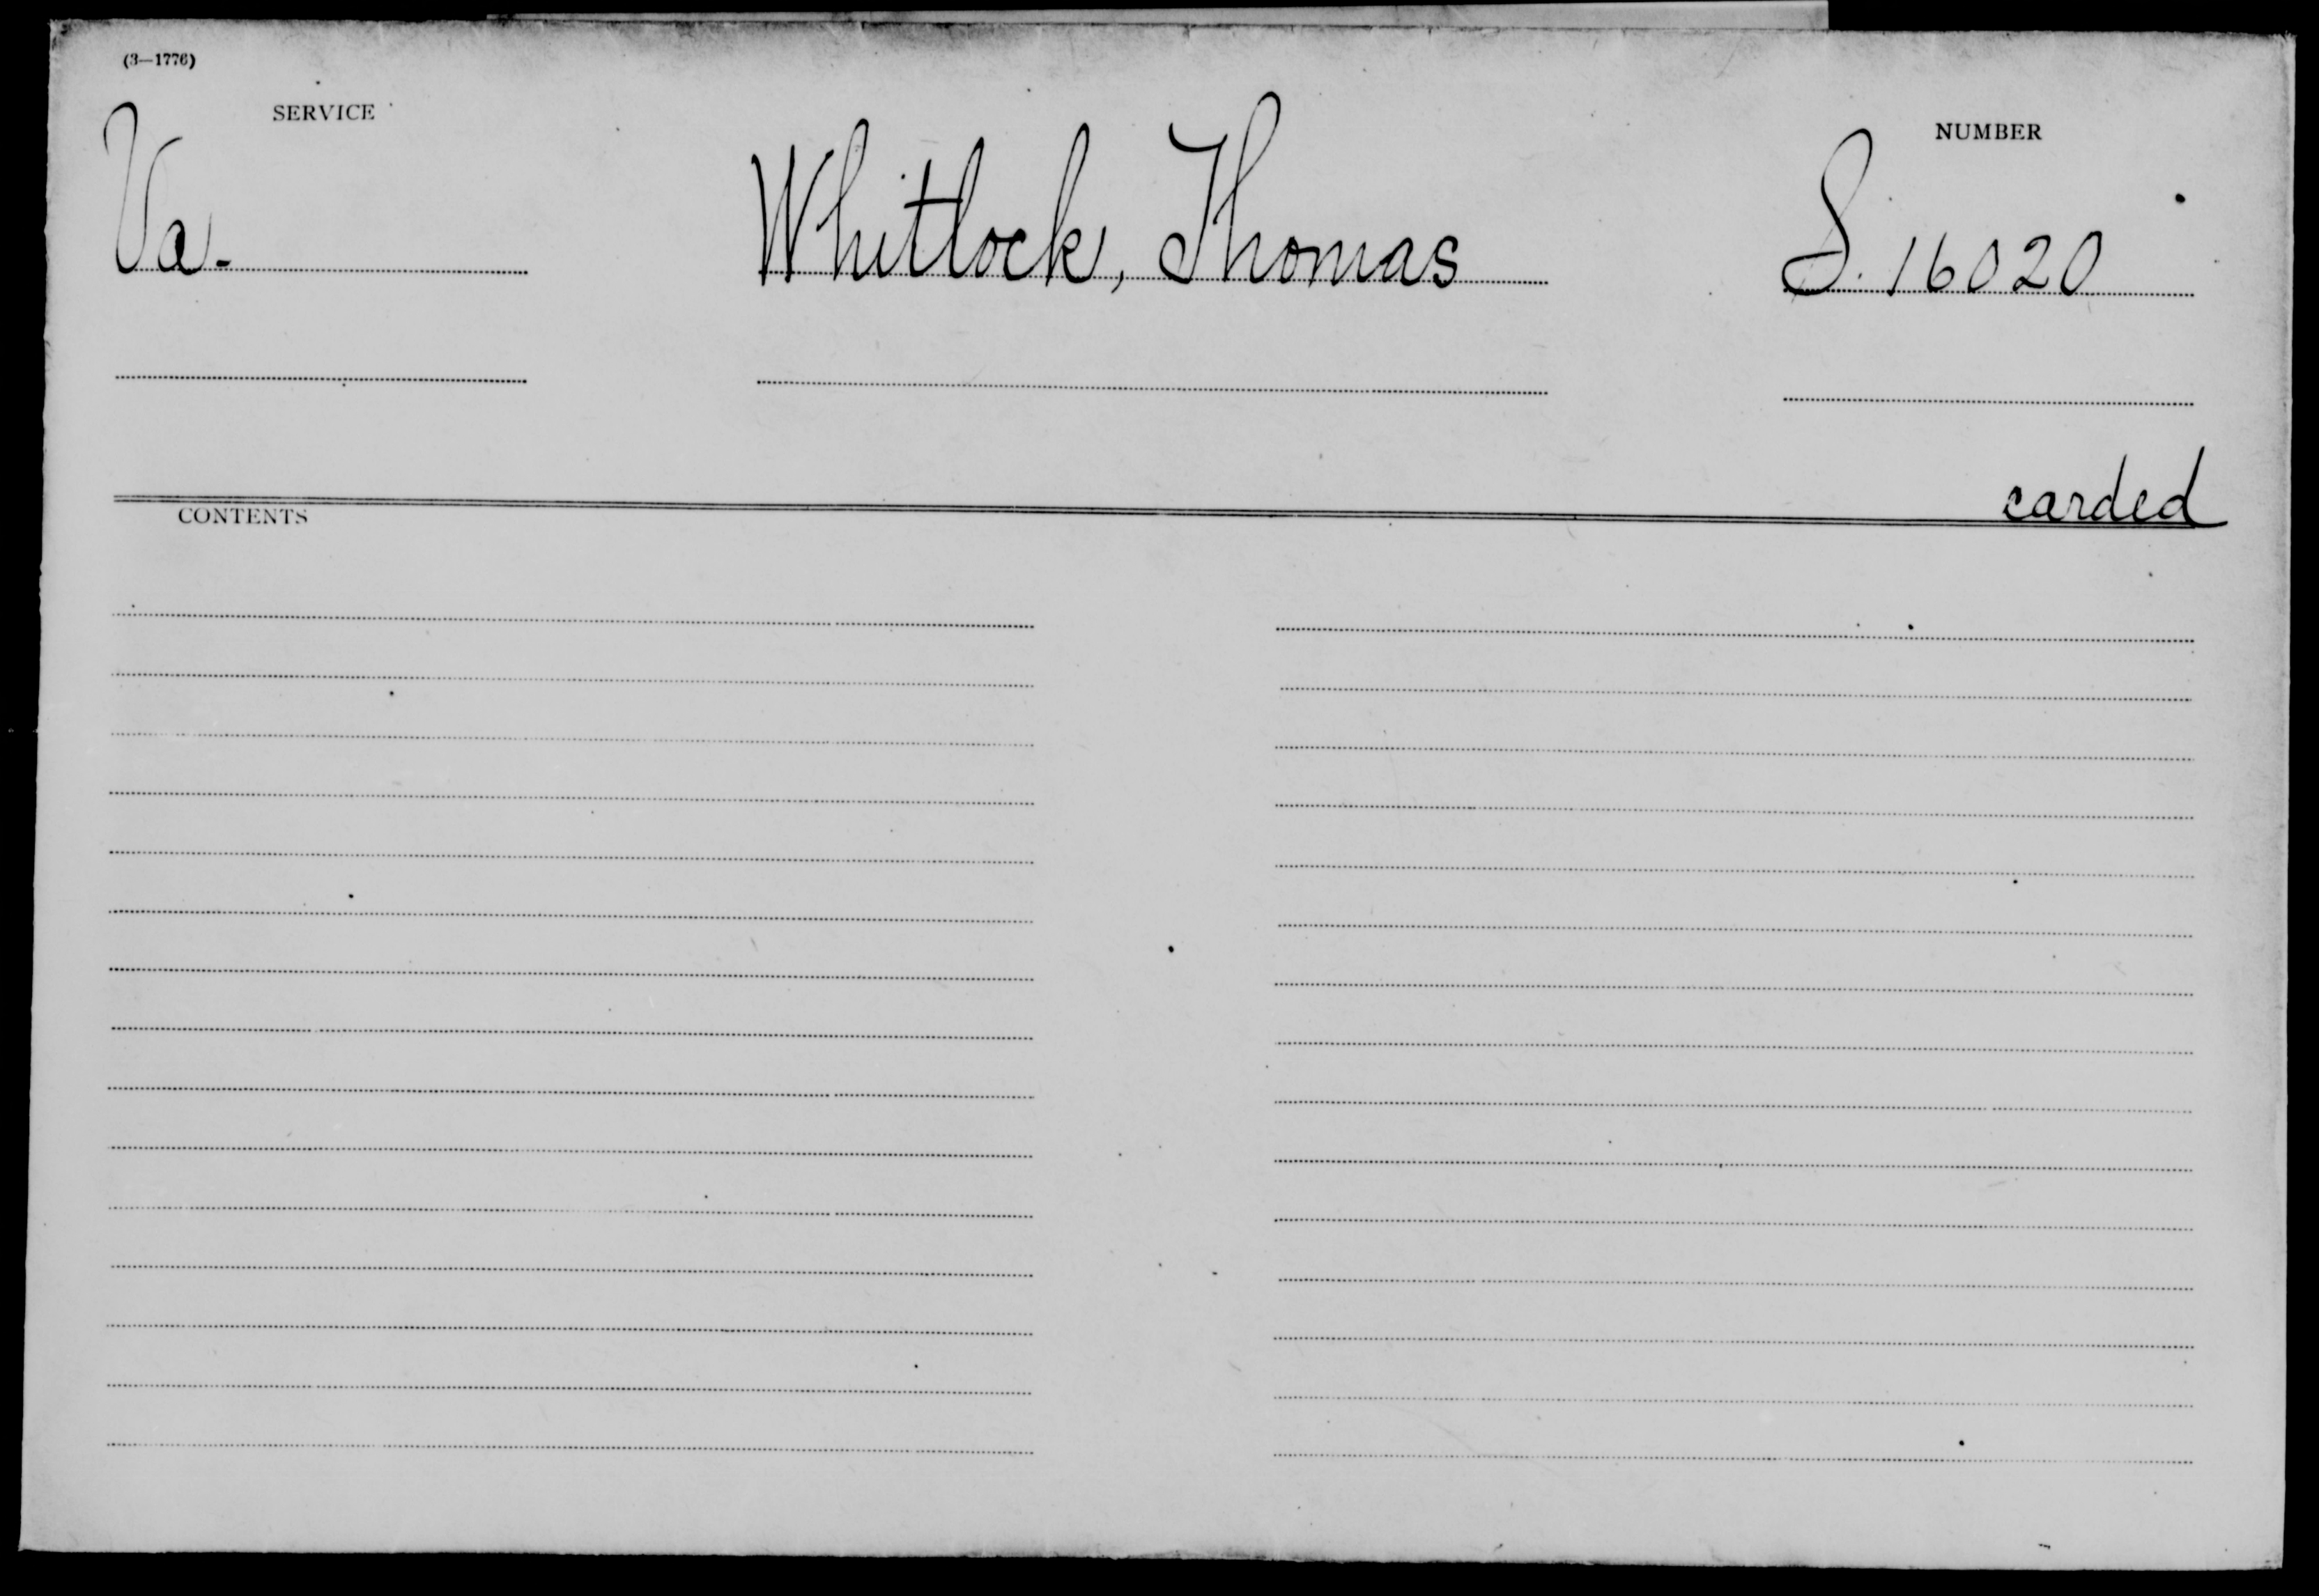Service   Va.
Whitlock, Thomas
Number S.16020
Carded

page: 1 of 32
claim: survivor's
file: S. 16020, Thomas Whitlock, Va.